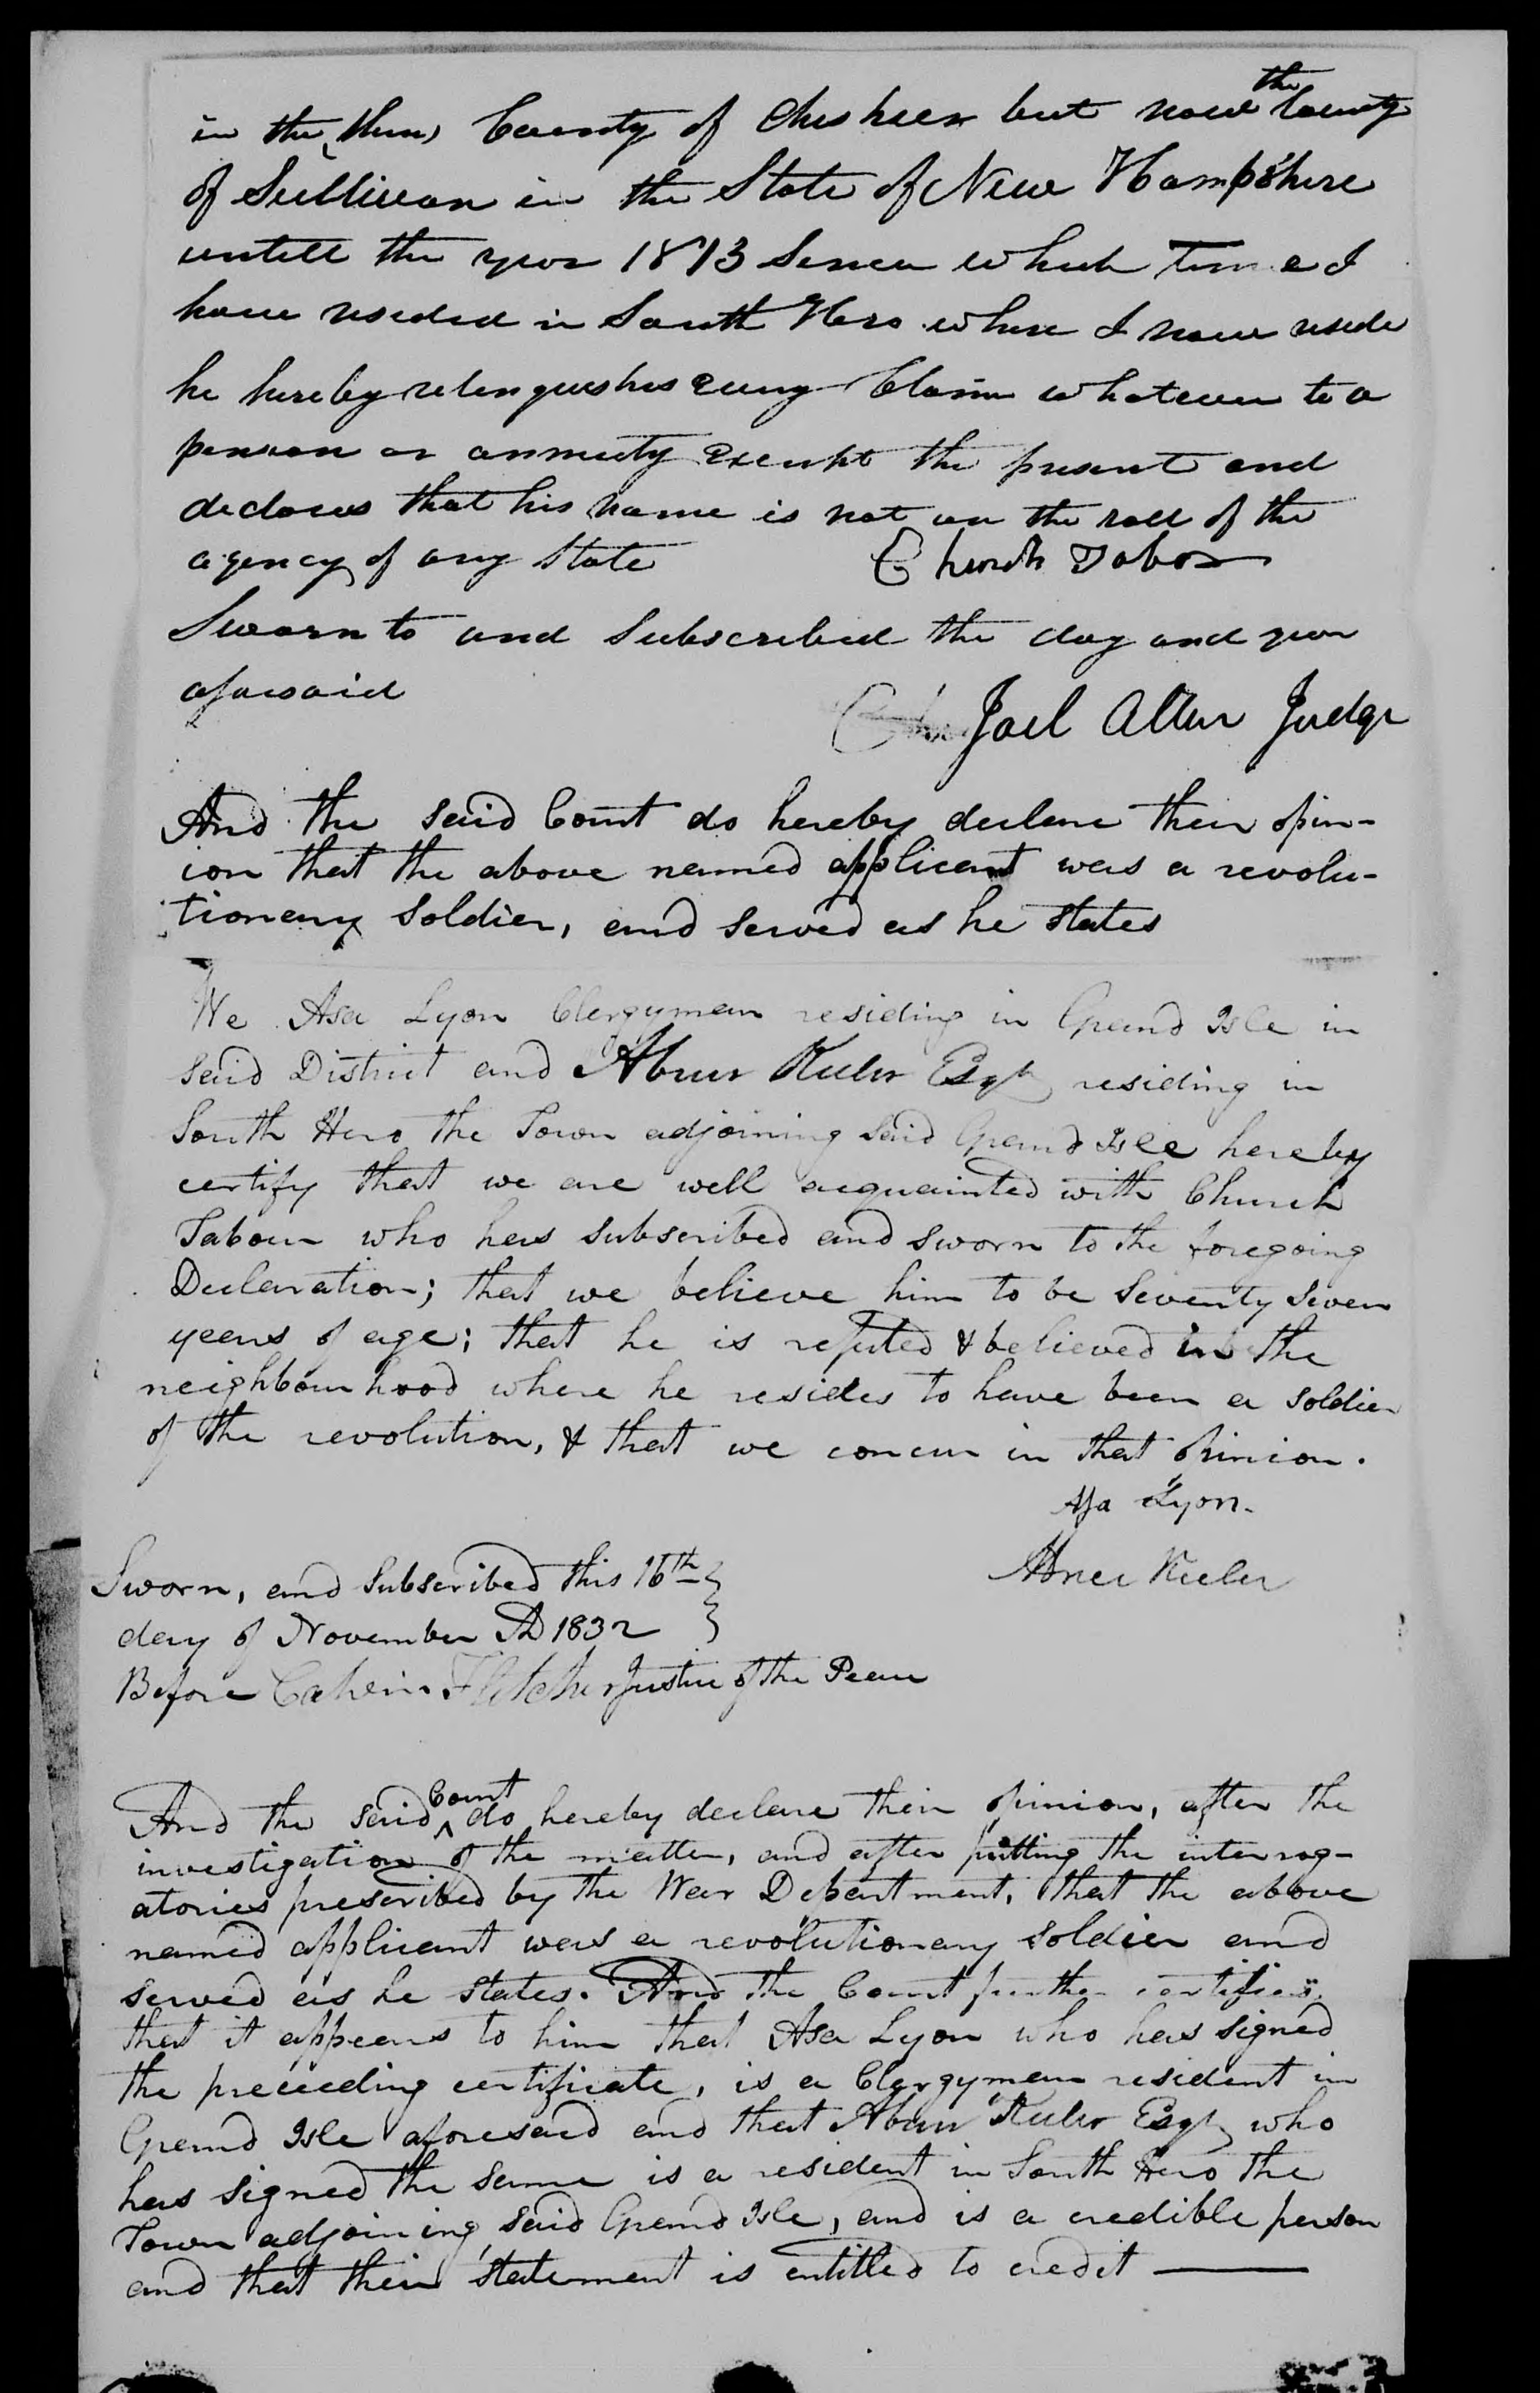in the then County of Chesier but now the County of Sullivan in the State of New Hampshire untill the year 1813 Since which time I have resided in South Hero where I now reside. He hereby relinquishes every claim whatever to a pension or annuity except the present and declares that his name is not on the roll of agency of any state.
Church Tabor
Sworn to and subscribed the day and year aforesaid
(Chur-crossed out). Joel Allen Judge

And the said court do hereby declare their opinion that the above named applicant was a revolutionary soldier and served as he states.

We Asa Lyon Clergyman residing in Grand Isle in said District and Abner Keeler Esq. residing in South Hero the town adjoining said Grand Isle hereby certify that we are well acquainted with Church Tabor who has subscribed and sworn to the foregoing Declaration; that we believe him to be seventy seven years of age; that his is reputed & believed in the neighbourhood where he resides to have been a soldier of the revolution and that we concur in that opinion.
Asa Lyon
Abner Keeler

Sworn and subscribed this 16th  day of November AD. 1832
Before Cahenir Fletcher Justice of the Peace.

And the said Court do hereby declare their opinion after the investigation of the matter and after putting the interrogatories prescribed by the War Department, that the above named applicant was a revolutionary soldier and served as he states. And the Court further certifies that it appears to him that Asa Lyon who has signed the preceding certificate is a clergyman resident in Grand Isle aforesaid and that Abner Keeler Esqr. who has signed the same is a resident in South Hero the Town adjoining said Grand Isle and is a credible person and that their statement is entitled to credit.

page: 14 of 41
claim: widow's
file: W 26507, for Church Tabor, Massachusetts